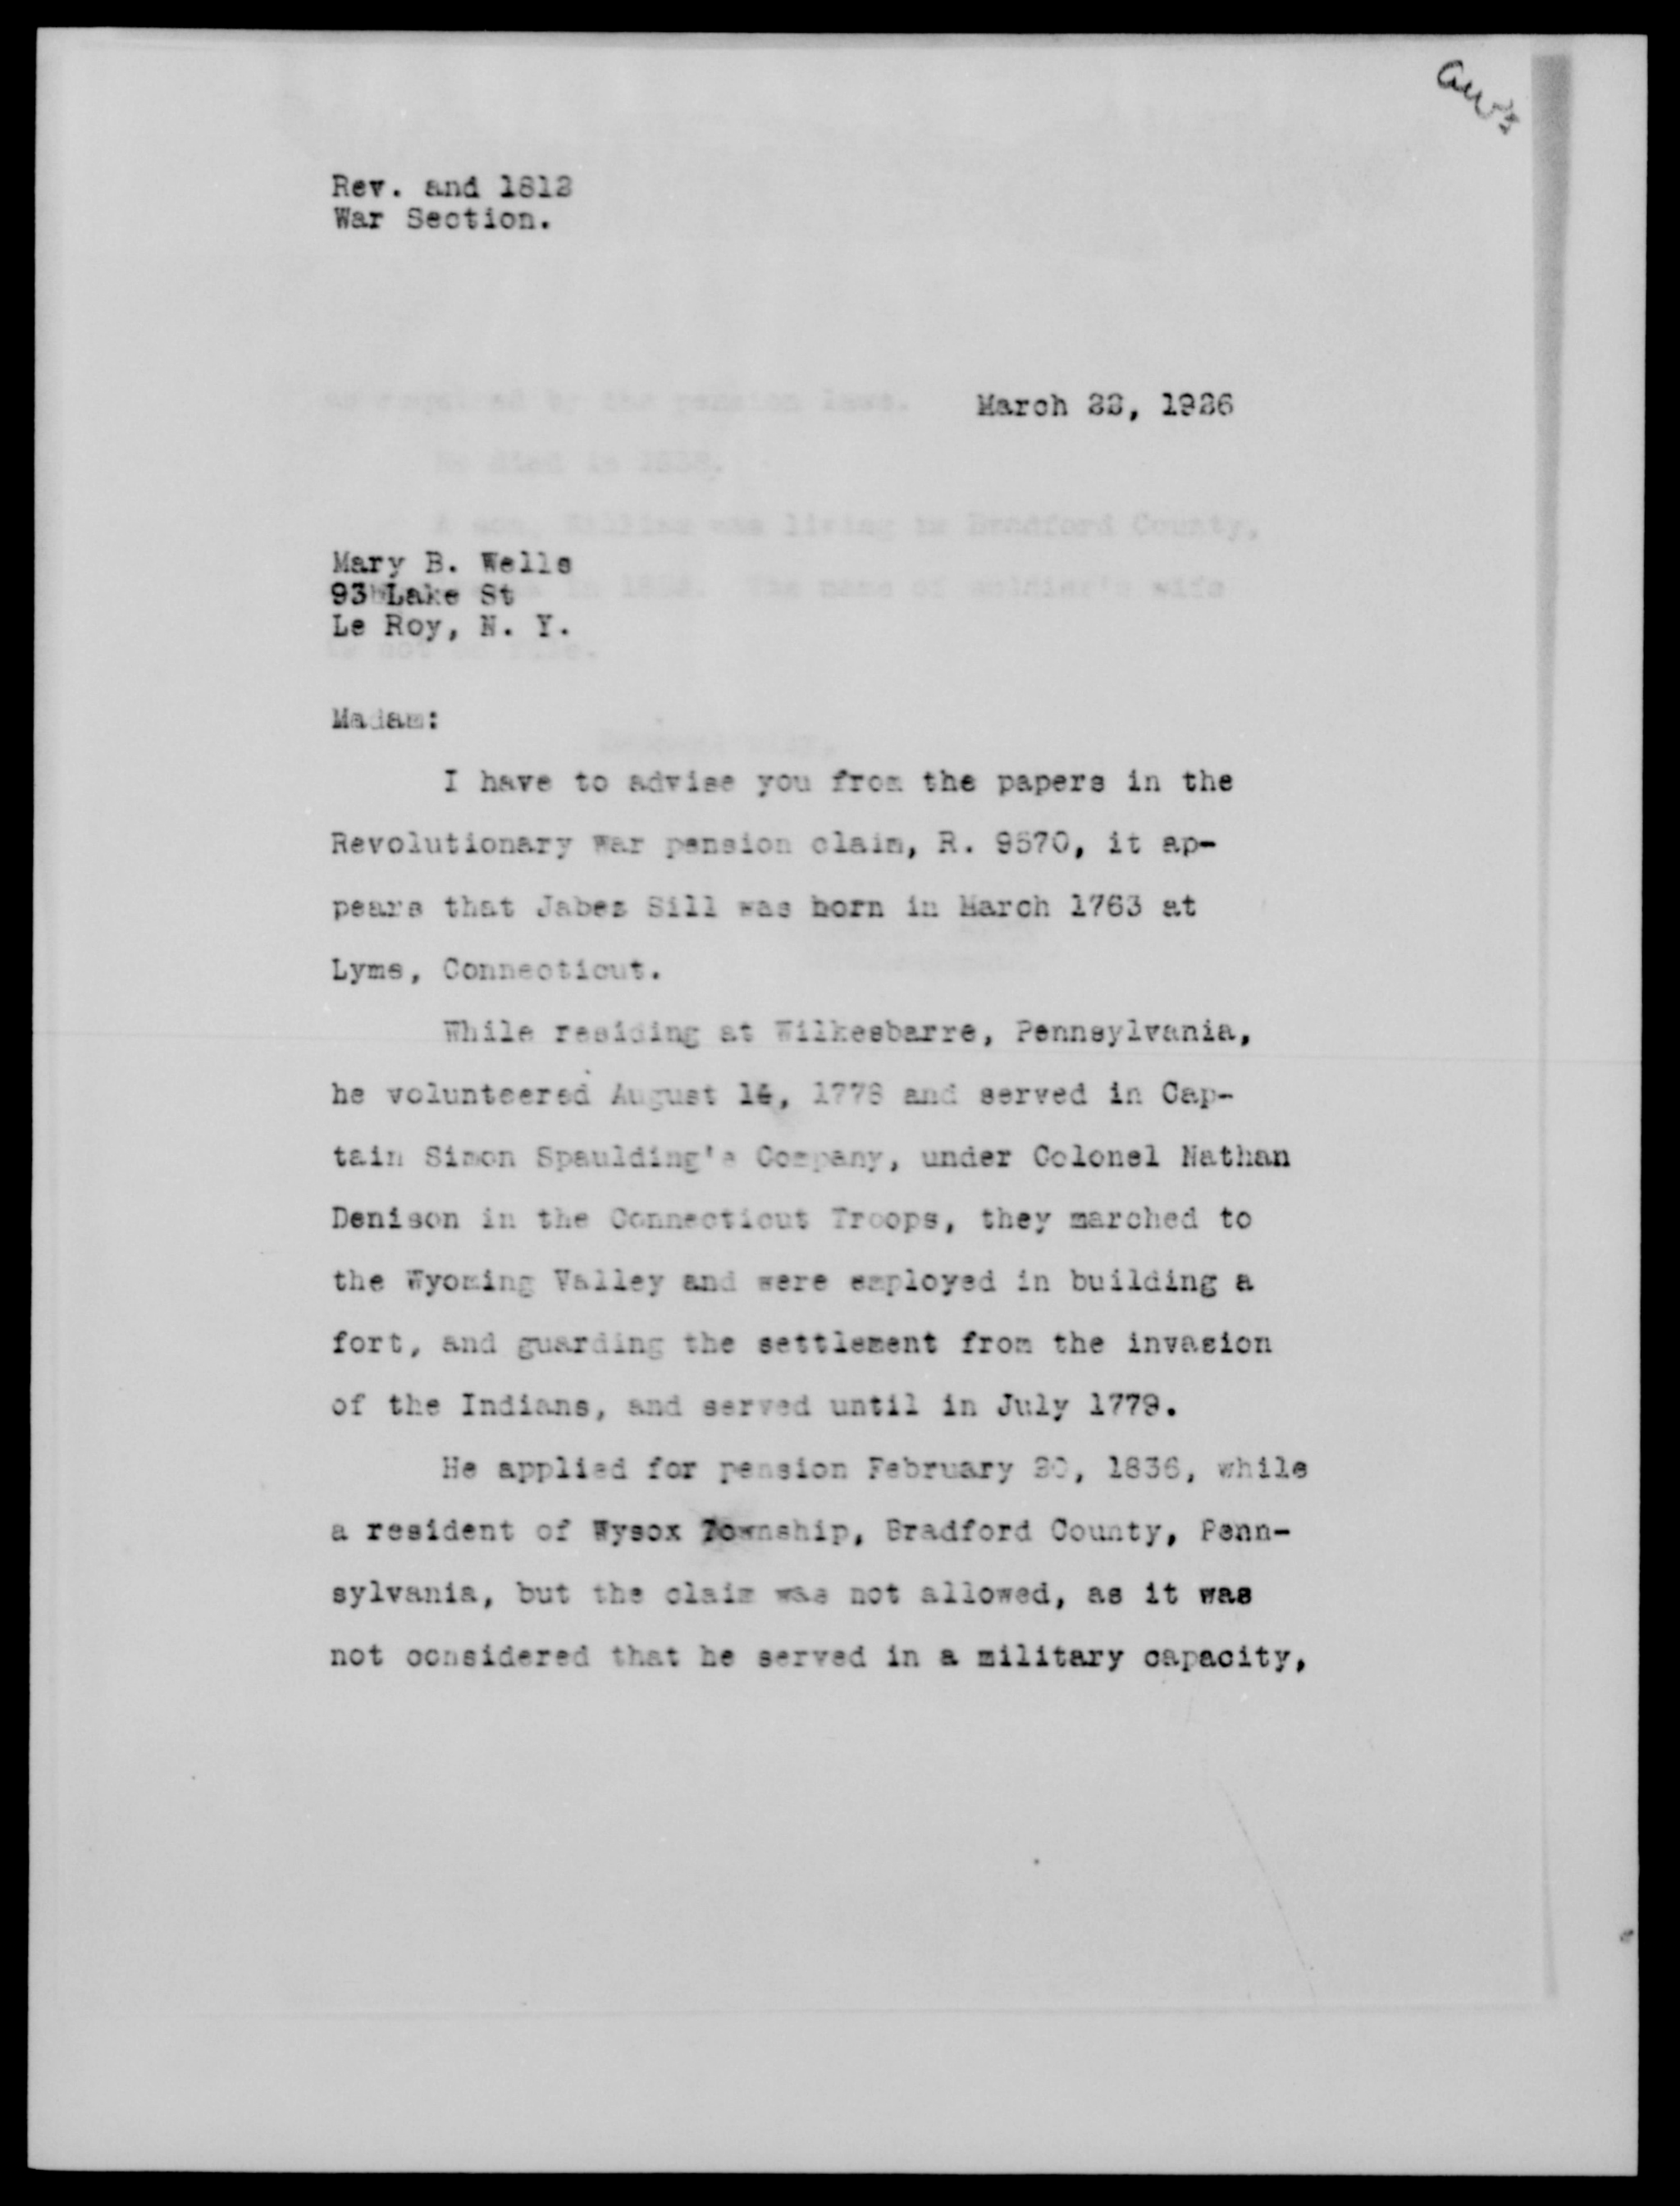March 26, 1926

Mary B. Wells
 93 Lake St
LeRoy, N.Y.

Madam:

I have to advise you from the papers in the Revolutionary was pension claim, R.9570, it appears that Jabez Sill was born in March 1763 at Lyme, Connecticut.

While residing at Wilkesbarre, Pennsylvania, he volunteers August 14, 1778 and served in Captain Simon Spaulding's Company, under Colonel Nathan Denison in the Connecticut Troops, they marched to the Wyoming Valley and were employed in building a fort, and guarding the settlement from the invasion of the Indians, and served until July 1779.

He applied for pension February 20, 1836, while a resident of Wysox Township, Bradford County Pennsylvania, but the claim was not allowed, as it was not considered that he served in a military capacity,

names: Nathan Denison; Mary B Wells; Jabez Sill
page: 12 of 29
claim: rejected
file: R. 9570, for Jabez Sill, Connecticut